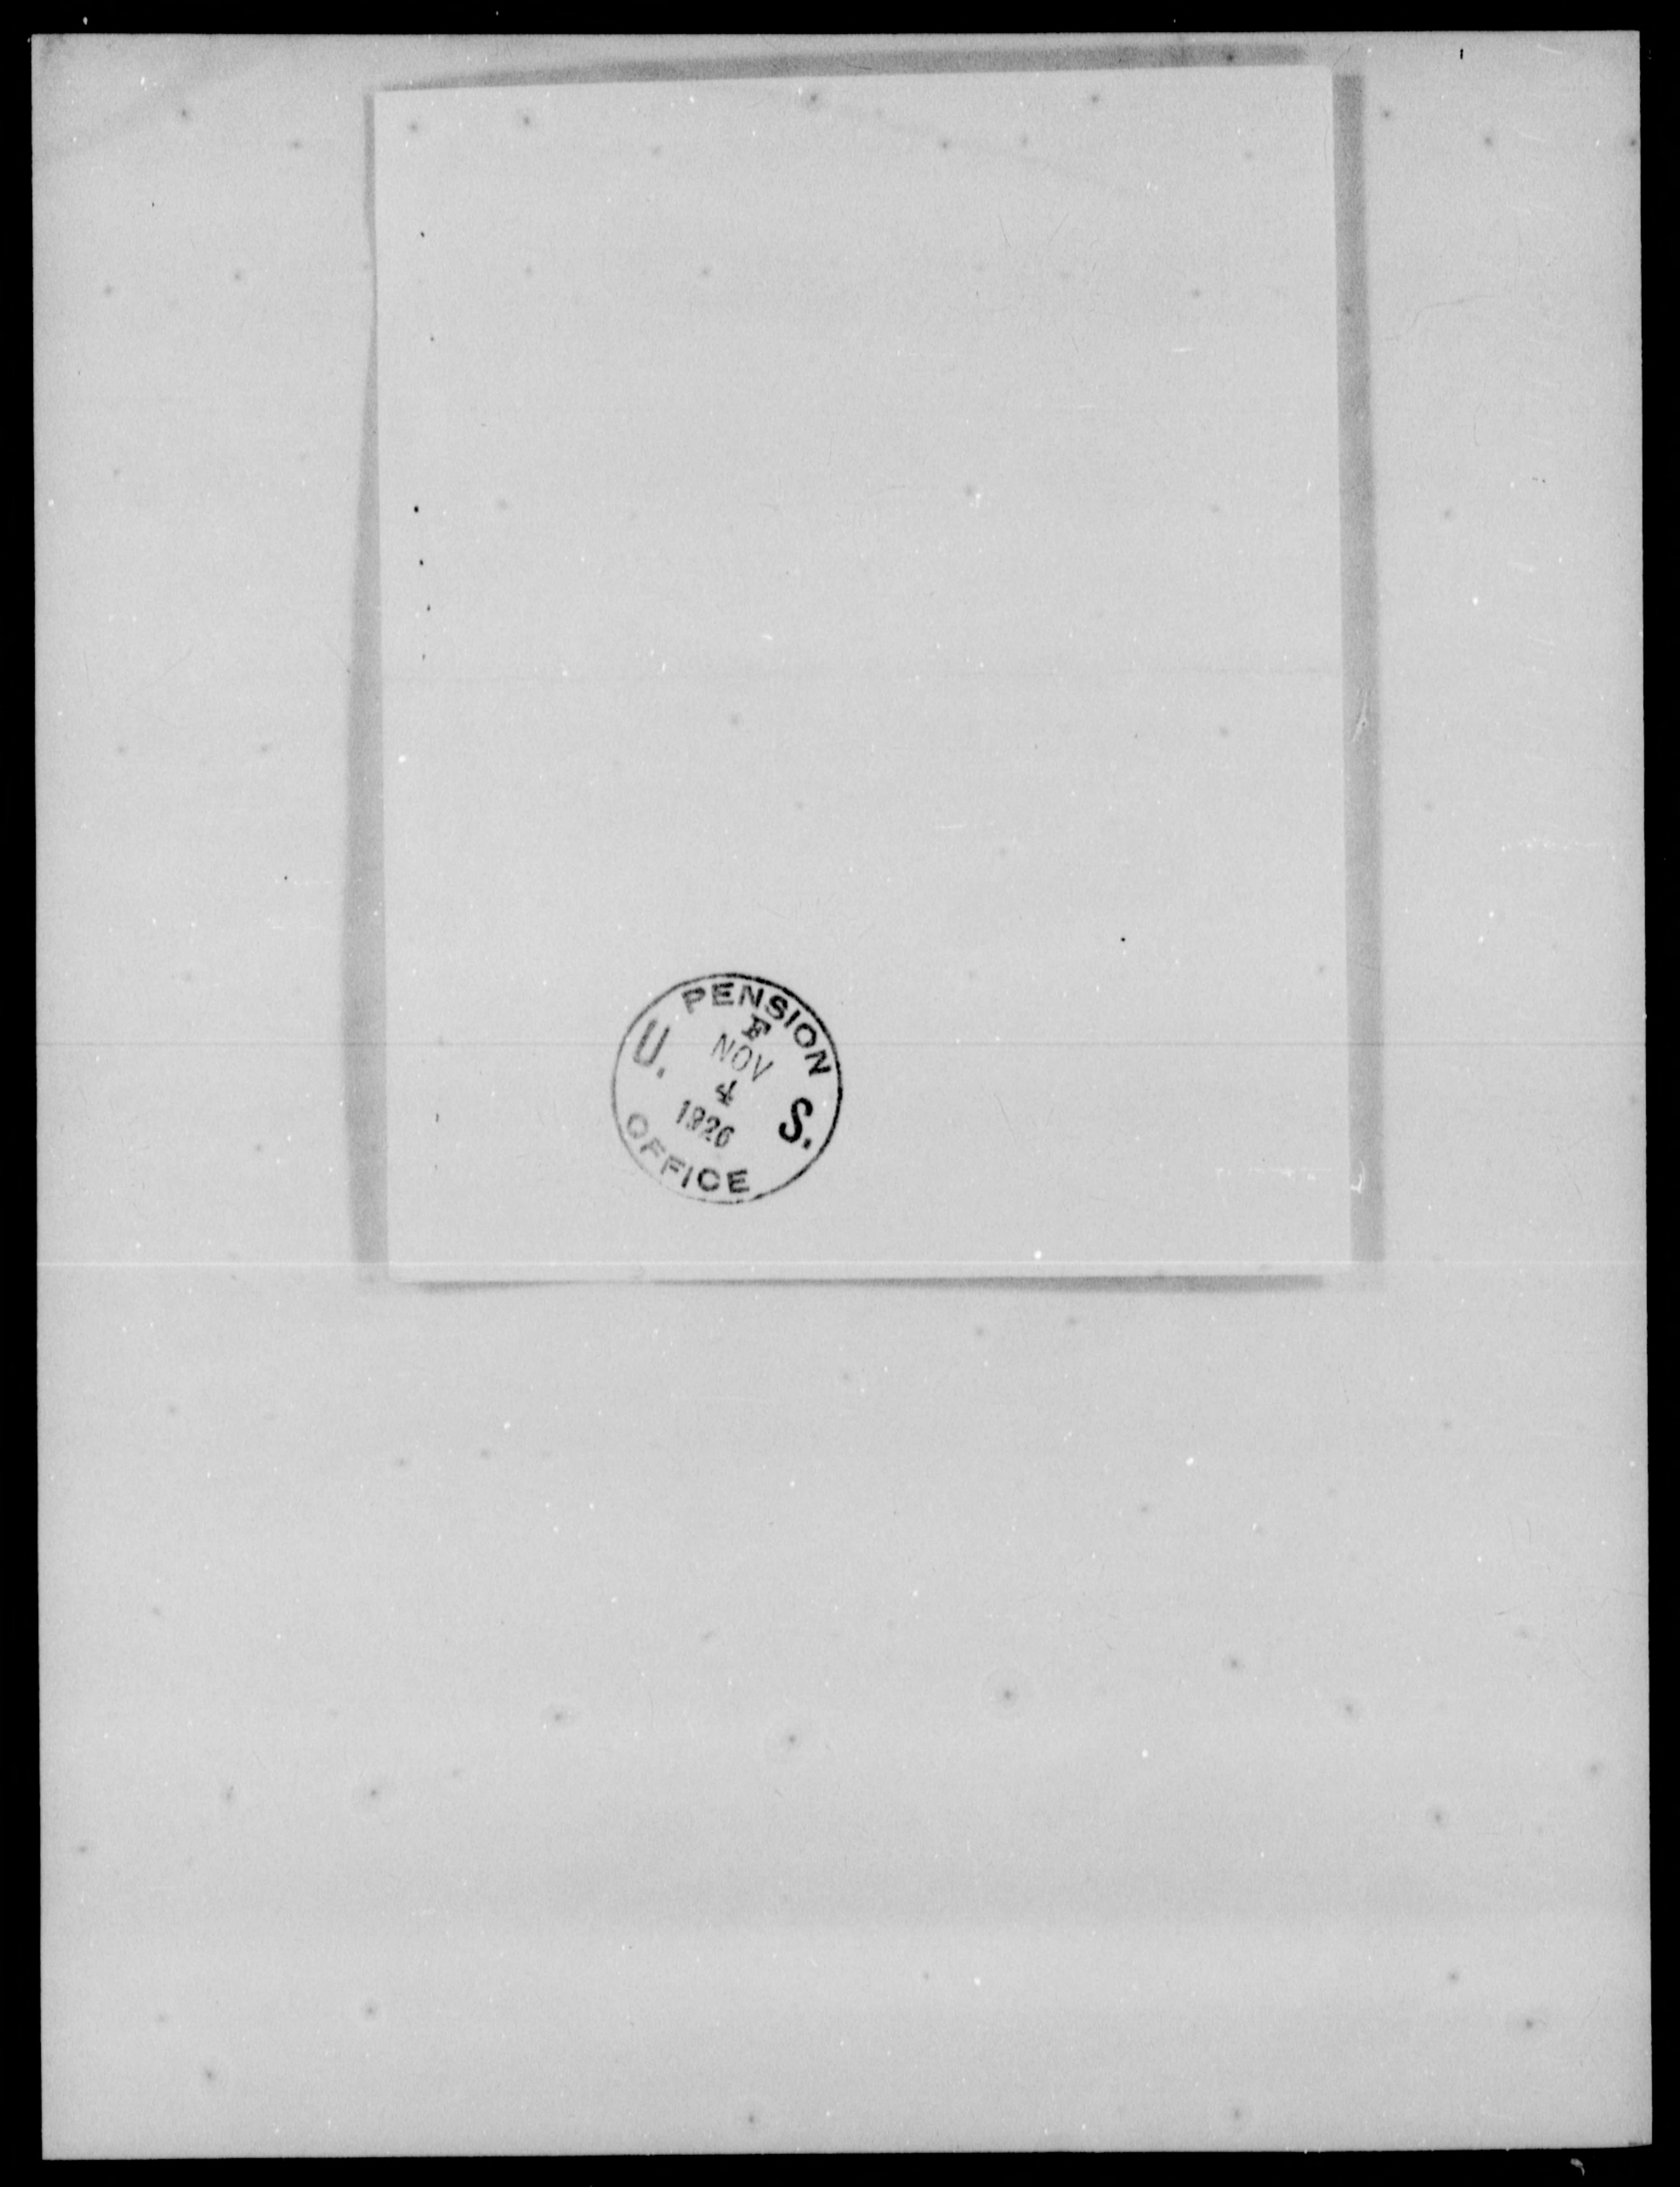[stamp]
PENSION
     F
  NOV
U.   4    S.
  1926
OFFICE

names: [BLANK]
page: 27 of 63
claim: widow's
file: W. 6158, for Benjamin Spencer, North Carolina